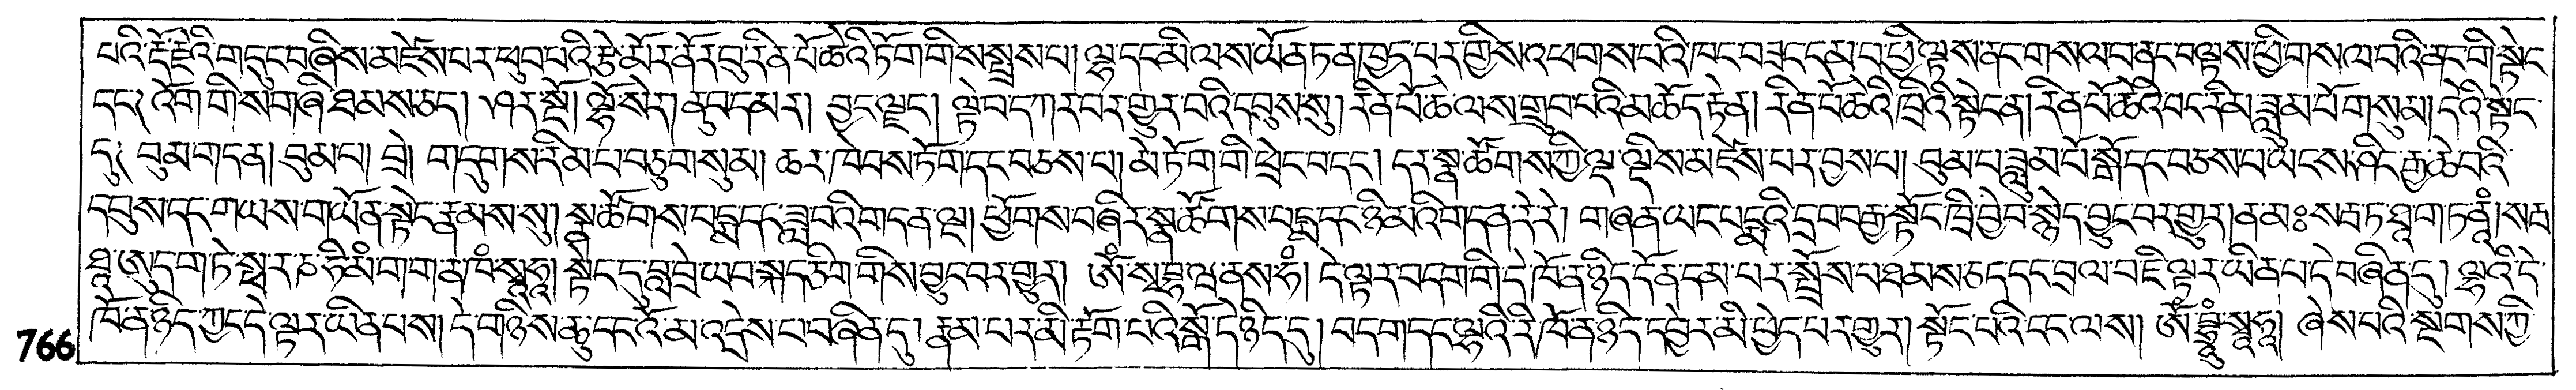པའི་རྡོ་རྗེའི་གདུང་བཞིས་མཛེས་པར་ཕུབ་པའི་རྩེ་མོར་ནོར་བུ་རིན་པོ་ཆེའི་ཏོག་གིས་སྤྲས་པ། ལྷ་དང་མི་ལས་ཡོན་ཏན་ཁྱད་པར་གྱིས་འཕགས་པའི་ཁང་བཟང་དམ་པ་ཕྱི་ལྟས་ནང་གསལ་བ་ནང་བལྟས་ཕྱི་གསལ་བའི་ནང་གི་སྟེང་
དང་། འོག་གི་ས་གཞི་ཐམས་ཅད། ཤར་སྔོ། ལྷོ་སེར། ནུབ་དམར། བྱང་ལྗང་། ལྟེ་བ་དཀར་བར་གྱུར་པའི་དབུས་སུ། རིན་པོ་ཆེ་ལས་གྲུབྤའི་མཆོད་རྟེན། རིན་པོ་ཆེའི་ཁྲིའི་སྟེང་ན། རིན་པོ་ཆེའི་བང་རིམ་ཟླུམ་པོ་གསུམ། དེའི་སྟེང་
དུ། བུམ་གདན། བུམ་པ། བྲེ། གདུགས་རིམ་པ་བཅུ་གསུམ། ཆར་ཁེབས་ཏོག་དང་བཅས་པ། མེ་ཏོག་གི་ཕྲེང་བ་དང་། དར་སྣ་ཚོགས་ཀྱི་ལྡ་ལྡིས་མཛེས་པར་བྱས་པ། བུམ་པ་ཟླུམ་པོ་སྒོ་དང་བཅས་པ་ཡངས་ཤིང་རྒྱ་ཆེ་བའི་
དབུས་དང་གཡས་གཡོན་སྟེང་རྣམས་སུ། སྣ་ཚོགས་པདམ་དང་ཟླ་བའི་གདན་ལྔ། ཕྱོགས་བཞིར་སྣ་ཚོགས་པདམ་དང་ཉི་མའི་གདན་རེ་རེ། གཞན་ཡང་པདམའི་དྲ་བ་བརྒྱ་སྟོང་ཁྲི་བྱེ་བ་སྙེད་བྱུང་བར་གྱུར། ན་མཿ སརྦ་ཏ་ཐཱ་ག་ཏ་ནཱཾ། སརྦ་
ཐཱ་ཨུད་ག་ཏེ་སྥ་ར་ཎ་ཧི་མཾ་ག་ག་ན་ཁཾ་སྭཱཧཱ། སྟེང་དུ་བླ་བྲེ་ཡབ་སྐད་ཅིག་གིས་བྱུང་བར་གྱུར། ཨོཾ་སྭ་བྷ་ཝ་ནས་ཧཾ། དེ་ལྟར་བདག་གི་དེ་ཁོ་ན་ཉིད་དོན་དམ་པར་སྤྲོས་པ་ཐམས་ཅད་དང་བྲལ་བ་ཇི་ལྟར་ཡིན་པ་དེ་བཞིན་དུ། ལྷའི་དེ་
ཁོ་ན་ཉིད་ཀྱང་དེ་ལྟར་ཡིན་པས། དེ་གཉིས་ཆུ་དང་འོ་མ་འདྲེས་པ་བཞིན་དུ། རྣམ་པར་མི་རྟོག་པའི་སྒོ་དེ་ཉིད་དུ། བདག་དང་ལྷའི་རི་ཁོ་ན་ཉིད་དབྱེར་མི་ཕྱེད་པར་གྱུར། སྟོང་པའི་ངང་ལས། ཨོཾ་བྷྲཱུཾ་སྭཱཧཱ། ཞེས་པའི་སྔགས་ཀྱི་